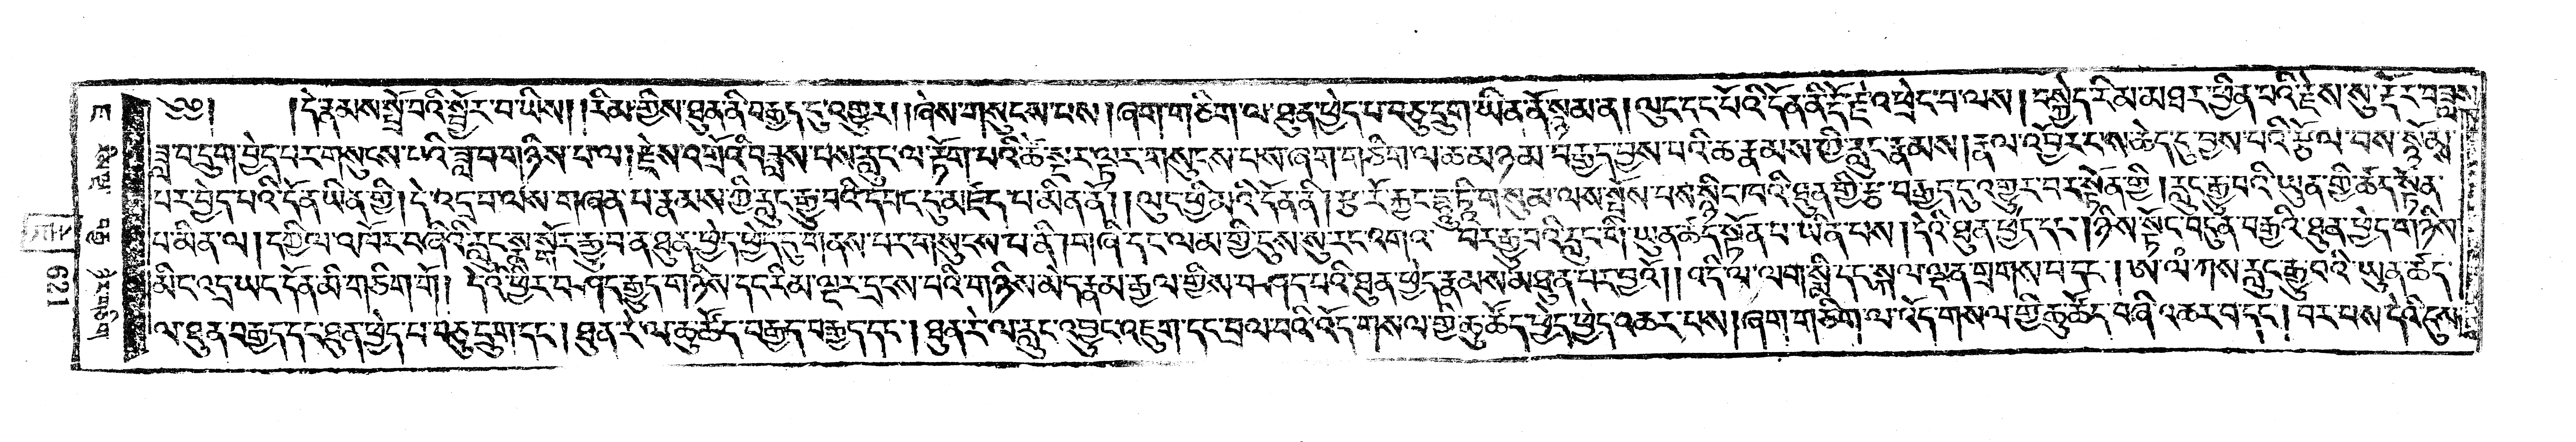༄༅། །དེ་རྣམས་སྤྲོ་བའི་སྦྱོར་བ་ཡིས། །རིམ་གྱིས་ཐུན་ནི་བརྒྱད་དུ་འགྱུར། །ཞེས་གསུངས་པས། ཞག་གཅིག་ལ་ཐུན་ཕྱེད་པ་བཅུ་དྲུག་ཡིན་ནོ་སྙམ་ན། ལུང་དང་པོའི་དོན་ནི་རྡོ་རྗེ་འཕྲེང་བ་ལས། བསྐྱེད་རིམ་མཐར་ཕྱིན་པའི་རྗེས་སུ་རྡོར་བཟླས་
ཟླ་བ་དྲུག་བྱེད་པར་གསུངས་པའི་ཟླ་བ་གཉིས་པ་ལ། རྗེས་འགྲོའི་བཟླས་པས་རླུང་ལ་རྟོག་པའི་ཚེ་སྔར་ལྟར་གསུངས་པས་ཞག་གཅིག་ལ་ཆ་མཉམ་བརྒྱད་བྱས་པའི་ཆ་རྣམས་ཀྱི་རླུང་རྣམས། རྣལ་འབྱོར་པས་ཆེད་དུ་བྱས་པའི་རྩོལ་བས་སྙོམས་
པར་བྱེད་པའི་དོན་ཡིན་གྱི། དེ་འདྲ་བ་ལས་གཞན་པ་རྣམས་ཀྱི་རླུང་རྒྱུ་བའི་དབང་དུ་མཛད་པ་མིན་ནོ། །ལུང་ཕྱི་མའི་དོན་ནི། རྩ་རོ་རྐྱང་དྷཱུ་ཏཱི་གསུམ་ལས་སྤྲོས་པས་སྙིང་ཁའི་ཐུན་གྱི་རྩ་བརྒྱད་དུ་འགྱུར་བར་སྟོན་གྱི། རླུང་རྒྱུ་བའི་ཡུན་གྱི་ཆད་སྟོན་
པ་མིན་ལ། དཀྱིལ་འཁོར་བཞིའི་རླུང་སྣ་སྒོར་རྒྱུ་བ་ན་ཐུན་ཕྱེད་ཕྱེད་དུ་གནས་པར་གསུངས་པ་ནི། གཞི་དང་ལམ་གྱི་དུས་སུ་རང་འགའ་བར་རྒྱུ་བའི་རླུང་གི་ཡུན་ཚད་སྟོན་པ་ཡིན་པས། དེའི་ཐུན་ཕྱེད་དང་། ཉིས་སྟོང་བདུན་བརྒྱའི་ཐུན་ཕྱེད་གཉིས་
མིང་འདྲ་ཡང་དོན་མི་གཅིག་གོ །དེའི་ཕྱིར་བཤད་རྒྱུད་གཉིས་དང་རིམ་ལྔར་དྲངས་པའི་གཉིས་མེད་རྣམ་རྒྱལ་གྱིས་བཤད་པའི་ཐུན་ཕྱད་རྣམས་མཐུན་པར་བྱའོ། །འདི་ལ་ལག་སྨི་དང་སྐལ་ལྡན་གྲགས་པ་དང་། ཨ་ལཾ་ཀས་རླུང་རྒྱུ་བའི་ཡུན་ཚད་
ལ་ཐུན་བརྒྱད་དང་ཐུན་ཕྱེད་པ་བཅུ་དྲུག་དང་། ཐུན་རེ་ལ་ཆུ་ཚོད་བརྒྱད་བརྒྱད་དང་། ཐུན་རེ་ལ་རླུང་འབྱུང་འཇུག་དང་བྲལ་བའི་འོད་གསལ་གྱི་ཆུ་ཚོད་ཕྱེད་ཕྱེད་འཆར་པས། ཞག་གཅིག་ལ་འོད་གསལ་གྱི་ཆུ་ཚོད་བཞི་འཆར་བ་དང་། བར་པས་དེའི་དུས་